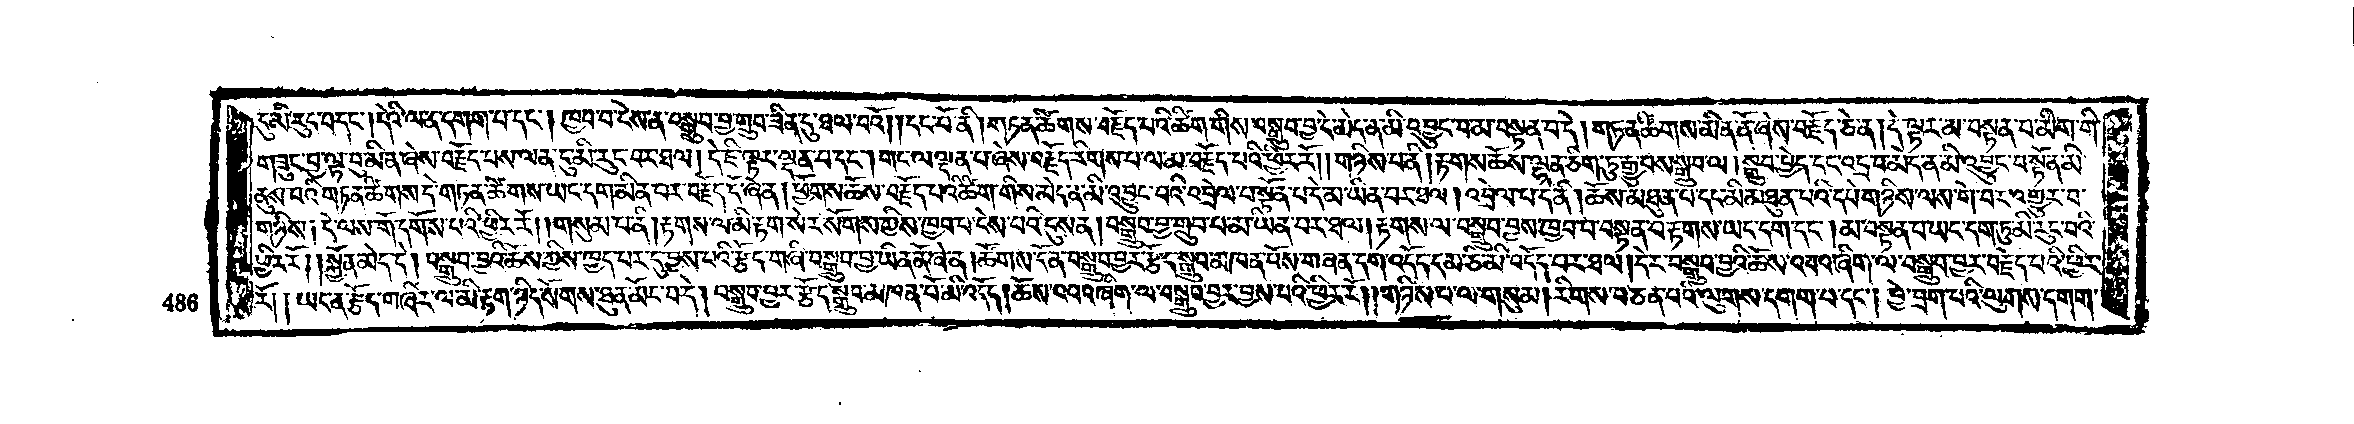དུ་མི་རུང་བ་དང་། དེའི་ལན་དགག་པ་དང་། ཁྱབ་པ་ངེས་ན་བསྒྲུབ་བྱ་གྲུབ་ཟིན་དུ་ཐལ་བའོ། །དང་པོ་ནི། གཏན་ཚིགས་བརྗོད་པའི་ཚིག་གིས་བསྒྲུབ་བྱ་དེ་མེད་ན་མི་འབྱུང་བ་མ་བསྟན་པ་དེ། གཏན་ཚིགས་མིན་ནོ་ཞེས་བརྗོད་ཅེ་ན། དེ་ལྟར་མ་བསྟན་པ་མིག་གི་
གཟུང་བྱ་ལྟ་བུ་མིན་ཞེས་བརྗོད་པས་ལན་དུ་མི་རུང་བར་ཐལ། དེ་ཇི་ལྟར་ལྡན་པ་དང་། གང་ལ་ལྡན་པ་ཞེས་བརྗོད་རིགས་པ་ལ་མ་བརྗོད་པའི་ཕྱིར་རོ། །གཉིས་པ་ནི། རྟགས་ཆོས་ལྷན་ཅིག་ཏུ་རྒྱུ་བས་སྒྲུབ་ལ། སྒྲུབ་བྱེད་དང་འདྲ་བ་མེད་ན་མི་འབྱུང་བ་སྟོན་མི་
ནུས་པའི་གཏན་ཚིགས་དེ་གཏན་ཚིགས་ཡང་དག་མིན་པར་བརྗོད་དོ་ཞེ་ན། ཕྱོགས་ཆོས་བརྗོད་པའི་ཚིག་གིས་མེད་ན་མི་འབྱུང་བའི་བྲེལ་པ་སྟོན་པ་དེ་མ་ཡིན་པར་ཐལ། འབྲེལ་པ་དེ་ནི། ཆོས་མཐུན་པ་དང་མི་མཐུན་པའི་དཔེ་གཉིས་ལས་གོ་བར་འགྱུར་བ་
གཉིས༑ དེ་ལས་གོ་དགོས་པའི་ཕྱིར་རོ། །གསུམ་པ་ནི། རྟགས་ལ་མི་རྟག་སེར་སོགས་ཀྱིས་ཁྱབ་པ་ངེས་པའི་དུས་ན། བསྒྲུབ་བྱ་གྲུབ་པ་མ་ཡིན་པར་ཐལ། རྟགས་ལ་བསྒྲུབ་བྱས་ཁྱབ་པ་བསྟན་པ་རྟགས་ཡང་དག་དང་། མ་བསྟན་པ་ཡང་དག་ཏུ་མི་རུང་བའི་
ཕྱིར་རོ། །སྐྱོན་མེད་དེ། བསྒྲུབ་བྱའི་ཆོས་ཀྱིས་ཁྱད་པར་དུ་བྱས་པའི་རྩོད་གཞི་བསྒྲུབ་བྱ་ཡིན་ནོ་ཞེ་ན། ཚོགས་དོན་བསྒྲུབ་བྱར་རྩོད་སྒྲུབ་མཁན་པོས་གཞན་དག་འདོད་དམ་ཅི་མི་འདོད་པར་ཐལ། དེར་བསྒྲུབ་བྱའི་ཆོས་འབའ་ཞིག་ལ་བསྒྲུབ་བྱར་བརྗོད་པའི་ཕྱིར་
རོ༑ ༑ཡང་ན་རྩོད་གཞིར་ལ་མི་རྟག་ཉིད་སོགས་ཐུན་མོང་བ་དེ། བསྒྲུབ་བྱར་མཁན་པོ་མི་འདོད། ཆོས་འབའ་ཞིག་ལ་བསྒྲུབ་བྱར་བྱས་པའི་ཕྱིར་རོ། །གཉིས་པ་ལ་གསུམ། རིགས་པ་ཅན་པའི་ལུགས་དགག་པ་དང་། བྱེ་བྲག་པའི་ལུགས་དགག་